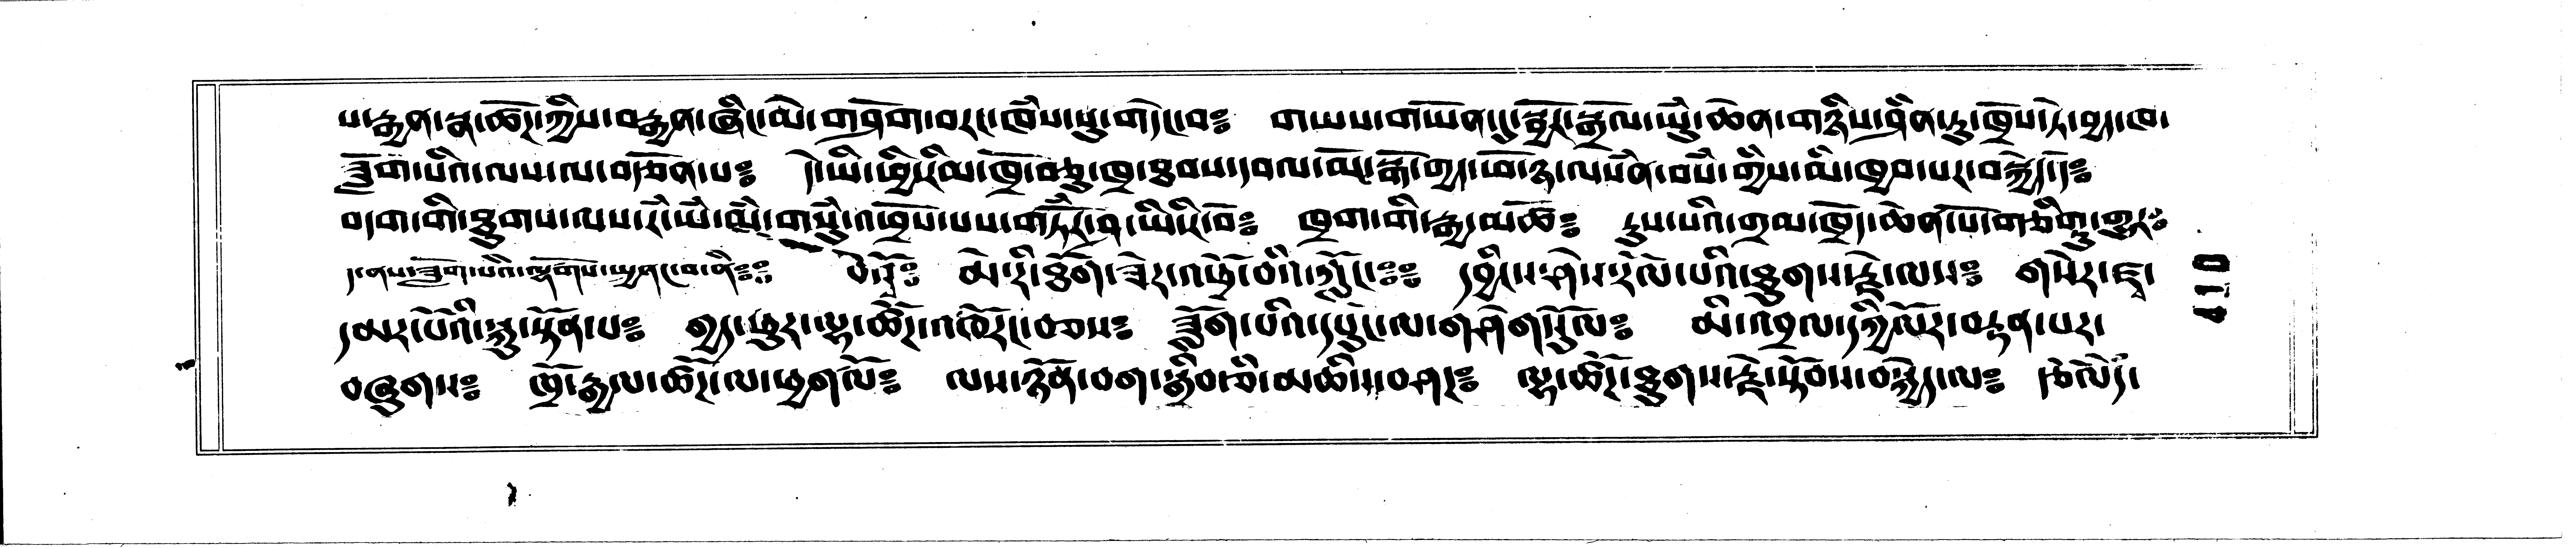པའི་རྒྱན་སྣ་ཚོགས་ཀྱིས་བརྒྱན་ཞིང་མེ་གཤོག་བར་སྣང་ཁམས་སུ་གདེང་བ༔གཡས་གཡོན་དུ་སྦྱོར་སྒྲོལ་ཡུམ་ཆེན་གཉིས་ཤིན་ཏུ་ཁྲོས་ཏེ་བྱད་ཁ་
ཟློག་པའི་ལས་ལ་བརྩོན་པ༔དེ་ཡི་ཕྱི་རིམ་ཁྲོ་བཅུ་ཁྲ་ཐབས་དབལ་མོ་སྒོ་གྱད་ཕོ་ཉ་ལས་མཁན་བསམ་གྱིས་མི་ཁྱབ་པར་བསྐྱེད་དེ༔
བདག་གི་ཐུགས་ལས་རཾ་ཡཾ་མཾ་གསུམ་འཕྲོས་པས་གཏོར་མ་ཤ་ཡི་རི་བོ༔ཁྲག་གི་རྒྱ་མཚོ༔རུས་པའི་གྲམ་ཁྲོད་ཆེན་པོ་གཅིག་ཏུ་གྱུར༔
དེ་ནས་ཟློག་པའི་ལྷ་ཚོགས་སྤྱན་དྲང་བ་ནི༔༔ བསྭོ༔མེ་རི་ཐོག་ཟེར་འཕྲོ་བའི་ཀློང༔༔དབྱིངས་ཤེས་རོལ་པའི་ཐུགས་རྗེ་ལས༔གསེར་ཛྭ་
དམར་པོའི་སྐུ་སྟོན་པ༔གྱད་ཕུར་ལྷ་ཚོགས་འཁོར་དང་བཅས༔ཟློག་པའི་དཔུང་ལ་གཤེགས་སུ་གསོལ༔མི་འབྲལ་དཀྱིལ་འཁོར་བརྟན་པར་
བཞུགས༔ཁྲོ་རྒྱལ་ཚོགས་ལ་ཕྱག་འཚལ་ལོ༔ལས་ཉོན་བག་སྒྲིབ་ཅི་མཆིས་བཤགས༔ལྷ་ཚོགས་ཐུགས་རྗེ་སྟོབས་བསྐྱེད་ལ༔རྩལ་མེད་